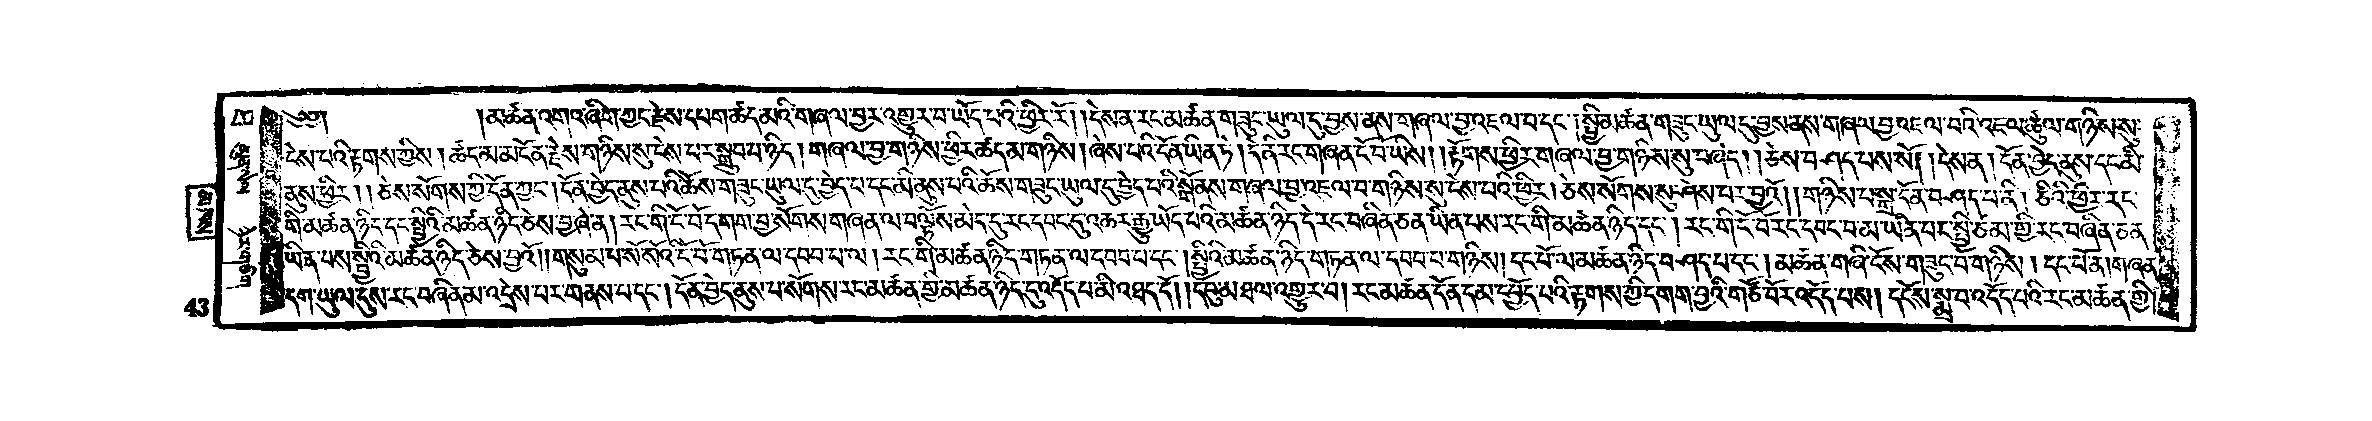༄༅། །མཚན་འགའ་ཞིག་ཀྱང་རྗེས་དཔག་ཚད་མའི་གཞལ་བྱར་འགྱུར་བ་ཡོད་པའི་ཕྱིར་རོ། །དེས་ན་རང་མཚན་གཟུང་ཡུལ་དུ་བྱས་ནས་གཞལ་བྱ་འཇལ་བ་དང་། སྤྱི་མཚན་གཟུང་ཡུལ་དུ་བྱས་ནས་གཞལ་བྱ་འཇལ་བའི་འཇལ་ཚུལ་གཉིས་སུ་
ངེས་པའི་རྟགས་ཀྱིས། ཚད་མ་མངོན་རྗེས་གཉིས་སུ་ངེས་པར་སྒྲུབ་པ་ཉིད། གཞལ་བྱ་གཉིས་ཕྱིར་ཚད་མ་གཉིས། ཞེས་པའི་དོན་ཡིན་ཏེ། དེ་ནི་རང་གཞན་ངོ་བོ་ཡིས། །རྟོགས་ཕྱིར་གཞལ་བྱ་གཉིས་སུ་བཞེད། །ཅེས་བཤད་པས་སོ། །དེས་ན། དོན་བྱེད་ནུས་དང་མི་
ནུས་ཕྱིར། །ཅེས་སོགས་ཀྱི་དོན་ཀྱང་། དོན་བྱེད་ནུས་པའི་ཆོས་གཟུང་ཡུལ་དུ་བྱེད་པ་དང་མི་ནུས་པའི་ཆོས་གཟུང་ཡུལ་དུ་བྱེད་པའི་སྒོ་ནས་གཞལ་བྱ་འཇལ་བ་གཉིས་སུ་ངེས་པའི་ཕྱིར། ཅེས་སོགས་སུ་ཤེས་པར་བྱའོ། །གཉིས་པ་སྒྲ་དོན་བཤད་པ་ནི། ཅིའི་ཕྱིར་རང་
གི་མཚན་ཉིད་དང་སྤྱིའི་མཚན་ཉིད་ཅེས་བྱ་ཞེ་ན། རང་གི་ངོ་བོ་དགག་བྱ་སོགས་གཞན་ལ་བལྟོས་མེད་དུ་རང་དབང་དུ་འཆར་རྒྱུ་ཡོད་པའི་མཚན་ཉིད་དེ་རང་བཞིན་ཅན་ཡིན་པས་རང་གི་མཚན་ཉིད་དང་། རང་གི་ངོ་བོ་རང་དབང་བ་མ་ཡིན་པར་སྤྱི་ཙམ་གྱི་རང་བཞིན་ཅན་
ཡིན་པས་སྤྱིའི་མཚན་ཉིད་ཅེས་བྱའོ། །གསུམ་པ་སོ་སོའི་ངོ་བོ་གཏན་ལ་དབབ་པ་ལ། རང་གི་མཚན་ཉིད་གཏན་ལ་དབབ་པ་དང་། སྤྱིའི་མཚན་ཉིད་གཏན་ལ་དབབ་པ་གཉིས། དང་པོ་ལ་མཚན་ཉིད་བཤད་པ་དང་། མཚན་གཞི་ངོས་གཟུང་བ་གཉིས། དང་པོ་ནི། གཞན་
དག་ཡུལ་དུས་རང་བཞིན་མ་འདྲེས་པར་གནས་པ་དང་། དོན་བྱེད་ནུས་པ་སོགས་རང་མཚན་གྱི་མཚན་ཉིད་དུ་འདོད་པ་མི་འཐད་དོ། །དབུ་མ་ཐལ་འགྱུར་བ། རང་མཚན་དོན་དམ་དཔྱོད་པའི་རྟགས་ཀྱི་དགག་བྱའི་གཙོ་བོར་འདོད་པས། དངོས་སྨྲ་བ་འདོད་པའི་རང་མཚན་གྱི་